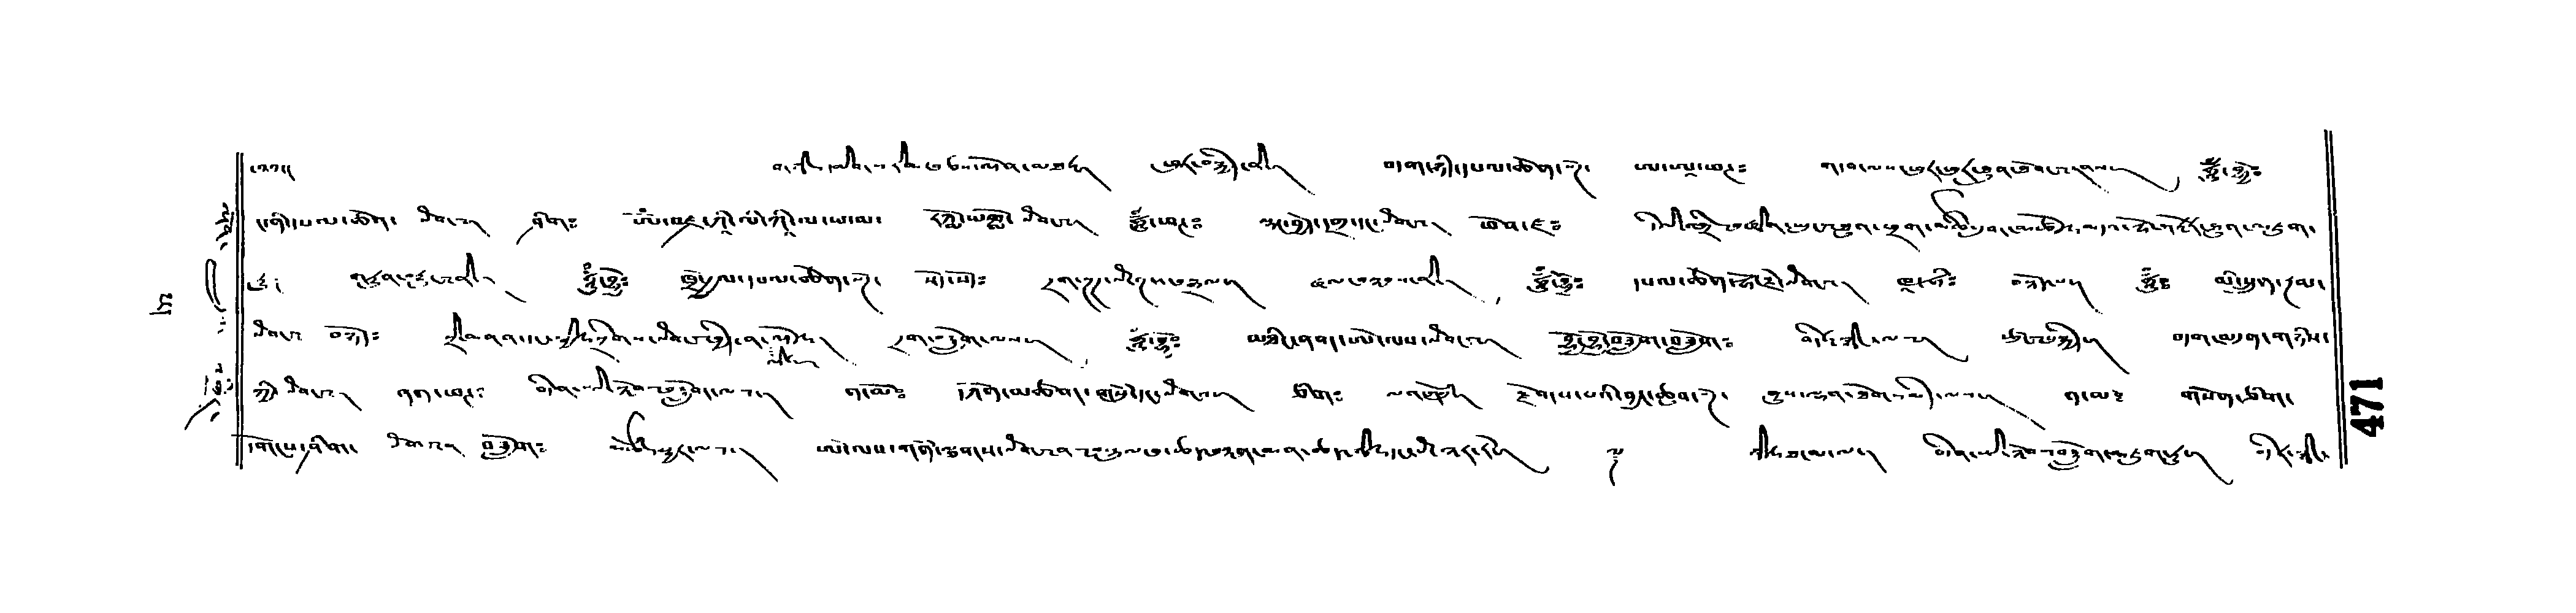དམིགས་རིམ་བཅས་འདོན་མཐར། ཕུར་བསྐྱེད་ནི། བདག་ཉིད་དཔལ་ཆེན་སོགས། ཨ་ཨཱ་ཕཊཿ གདབ་ལས་ཕུར་ཐུན་ཐོགས་ནས། ཧཱུྃ་བྷྱོ༔ 
ང་ནི་དཔལ་ཆེན་སོགས། ཤིག༔ ཨོཾ་བཛྲ་ཀཱི་ལི་ཀཱི་ལ་ཡ་མ་རཀྨོ་ཡཀྨོ་སོགས། ཧཱུྃ་ཕཊཿ སྡང་བྱེད་དགྲ་དང་སོགས། ཕོབ་ཛཿ དེའི་འགྲེས་བཞིན་ཡུངས་ཐུན་ཕྲག་མཚོ་དུག་མཚོན་མདའ་རྡོ་གཏོར་ཐུན་མཇུག་
ཏུ། གཏུན་བརྡུང་ནི། ཧཱུྃ་བྷྱོ༔ ཁྲོ་རྒྱལ་དཔལ་ཆེན་སོགས། སོད་སོད༔ དྲག་སྔགས་སོ་ལྔས་བསྒྲལ། ཞལ་བསྟབ་ནི། ཧཱུྃ་བྷྱོ༔ དཔལ་ཆེན་རྡོ་རྗེ་སོགས།ཁཱ་ཧིཿ བསྟོད་པ། ཧཱུྃ༔ མི་སྲུན་རྔམ་
སོགས། བསྟོད༔ སྲི་མནན་དང་སྦྱིན་སྲེག་སོགས་བྱེད་ན་འདོན། དྲག་བཟློག་ལས། ཧཱུྃ་བྷྱོ༔ མཐིང་ནག་ཨེ་ལས་སོགས། བྷྱོ་བྷྱོ་བཟློག་བཟློག༔ བདེར་སྙིང་ལས། རྩང་བསྐྱེད། བདག་མདུན་གཉིས་
ཀྱི་སོགས། ནན་ཕཊཿ བདེན་པའི་སྟོབས་བཟློག་ལས། ན་མོ༔ དཀོན་མཆོག་གསུམ་དང་སོགས། ཅིག༔ ལན་གསུམ། རྫོགས་པའི་བྱང་ཆུབ་སོགས། ནུས་ལྡན་ཐོགས་མེད་ལས། ན་མོ༔ གསོན་ཅིག་
དགོངས་ཤིག་སོགས་ནས། བཟློག༔ མཚམས་སྦྱར་ལས། ཨེ་ལས་གནམ་ལྕགས་སོགས་ནས་བསྐུལ་བ་ཆད་བསྟན་མན་ཆད་ཉིན་དང་པོ་ལྟར་རོ། ༈ ཉིན་ཐ་མ་ལ། བདེན་པའི་སྟོབས་བཟློག་མཇུག་ཏུ། བདེར་སྙིང་